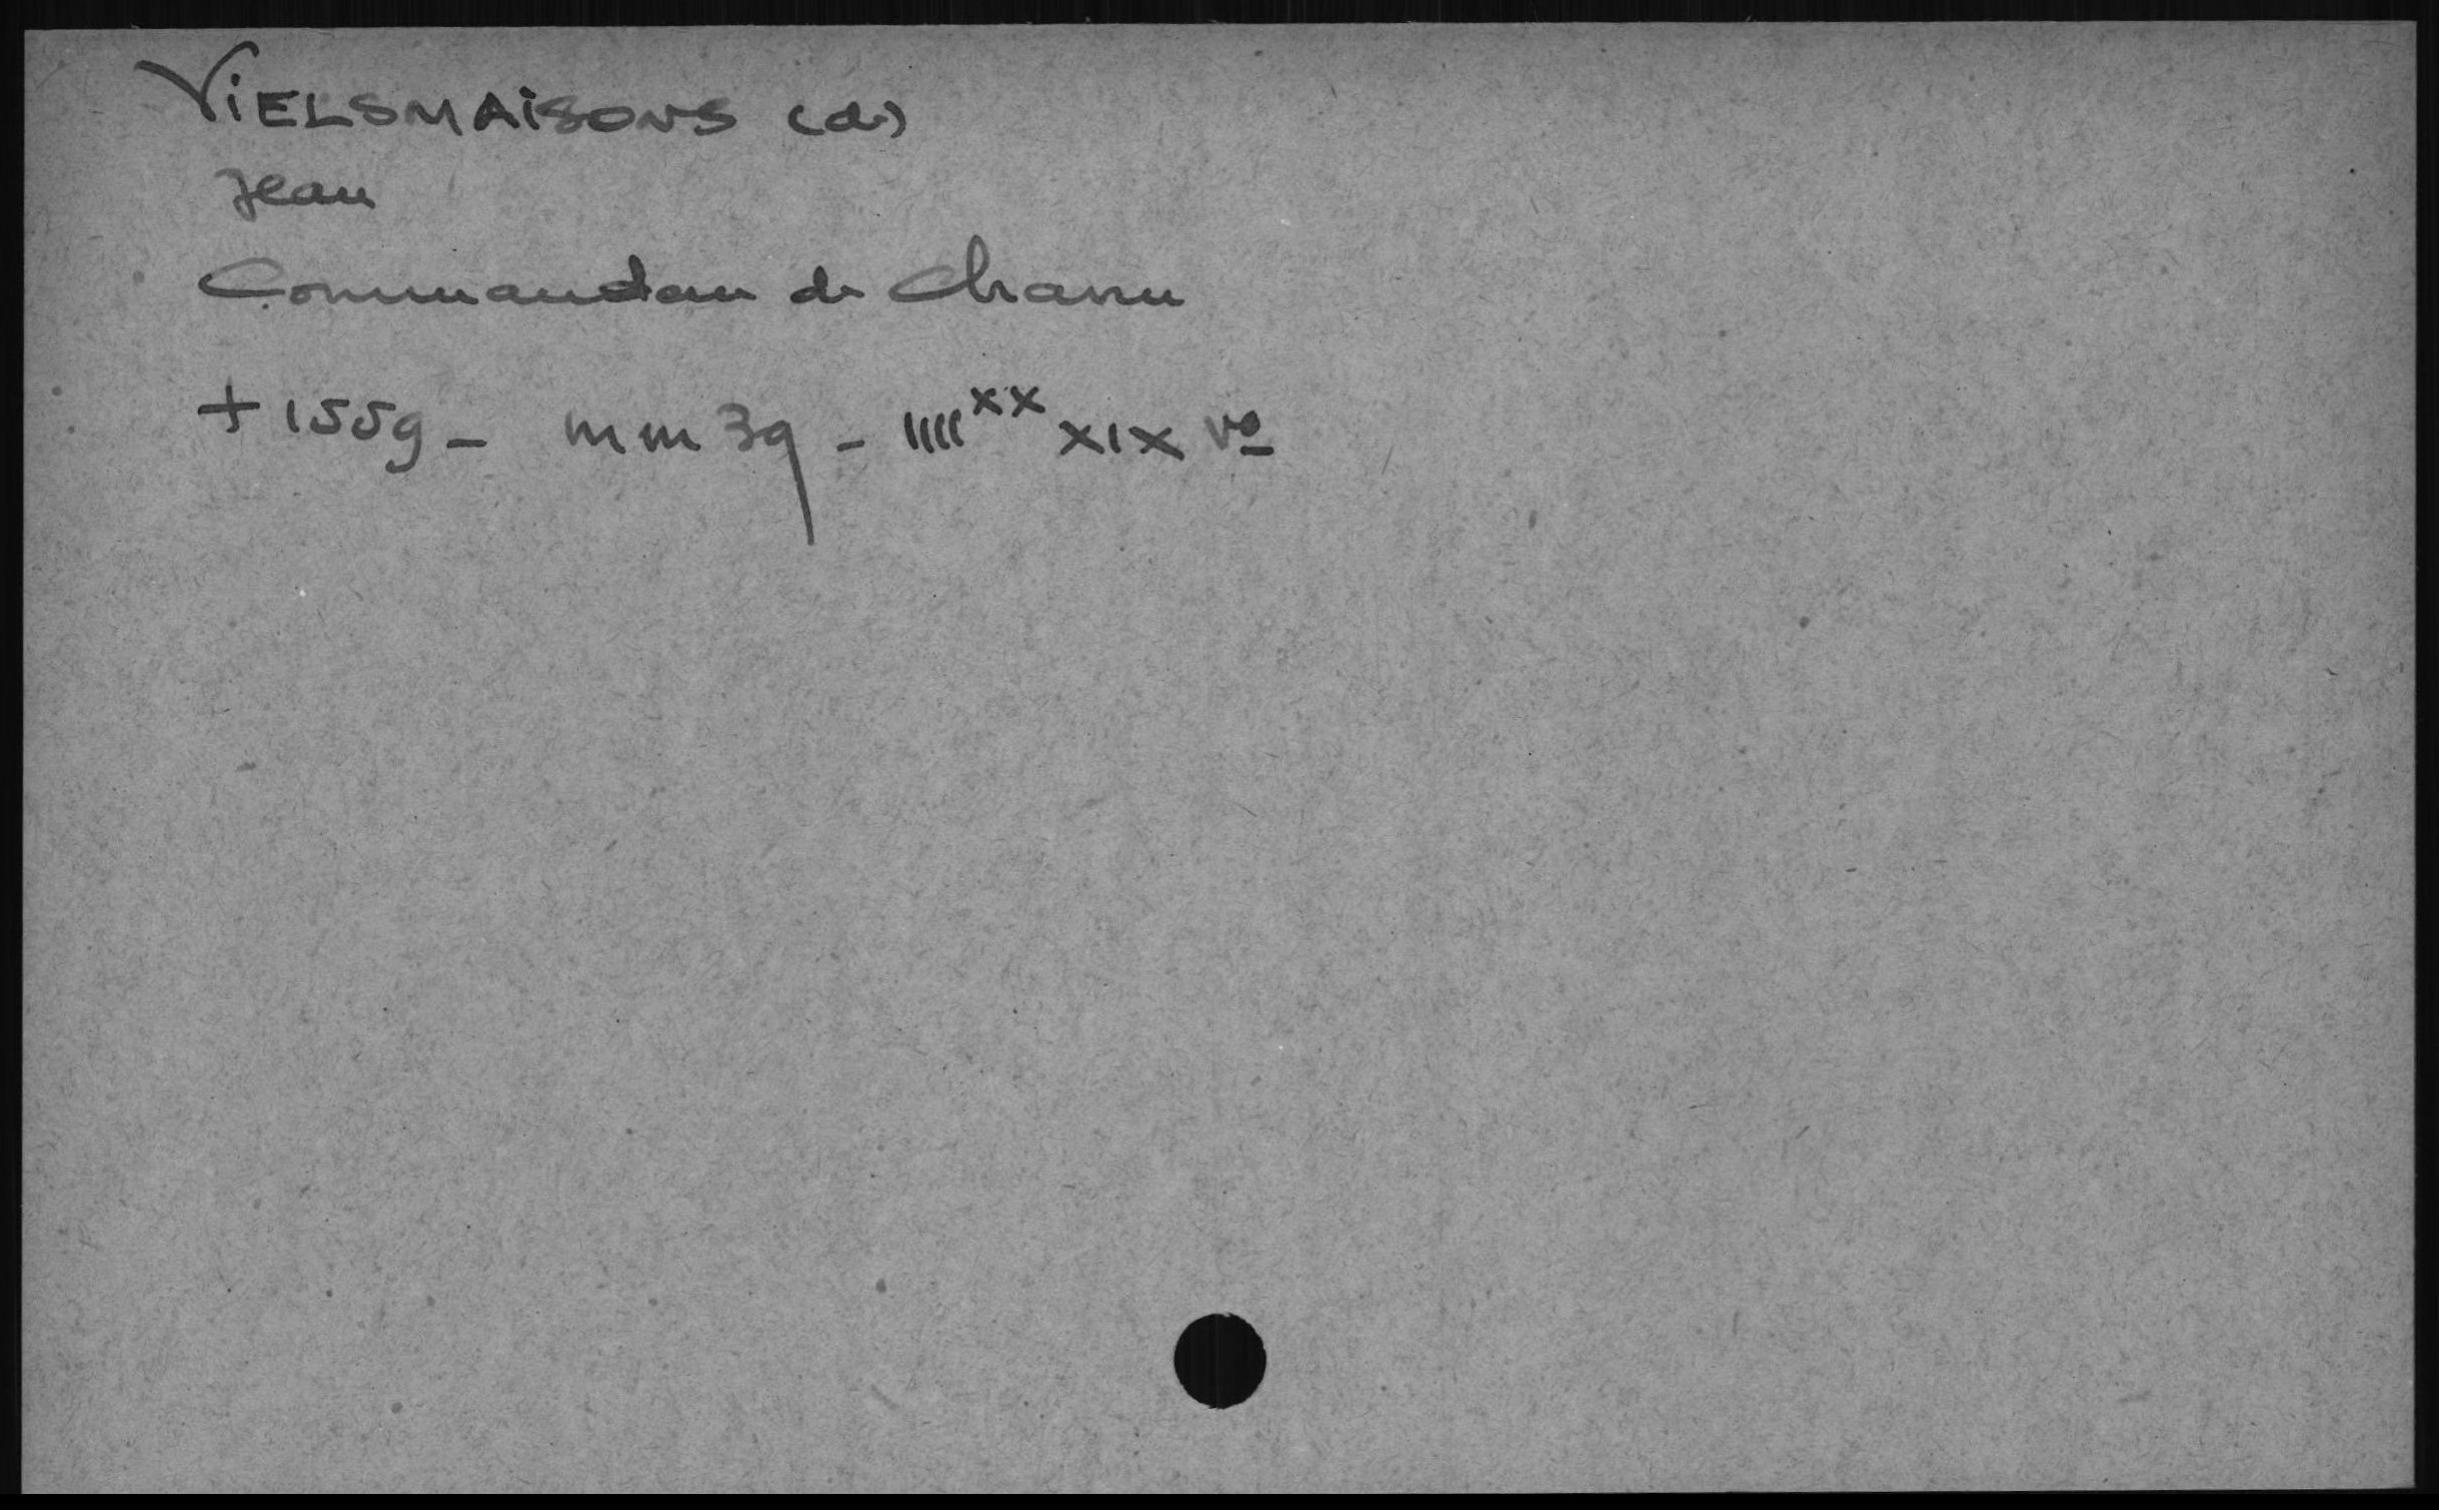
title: VIELS%AISONS (de) Jean Commandeur de Chanu
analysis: + 1559. MM 39, IIIIXX XIXv
